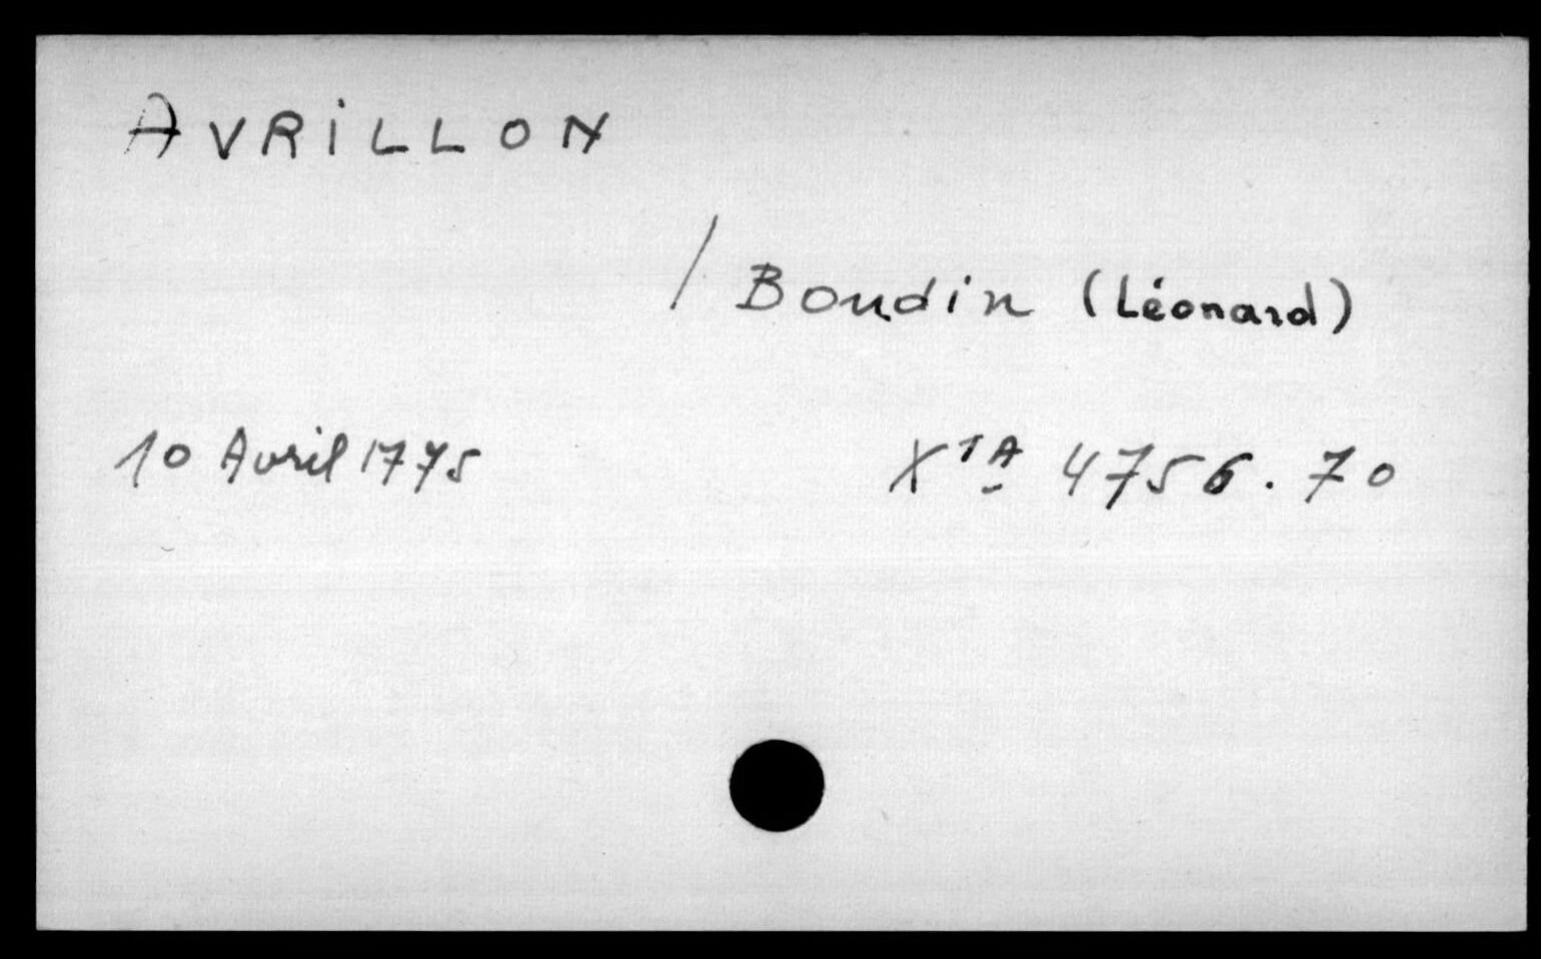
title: AVRILLON
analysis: Contre Boudin (Léonard)
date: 10 avril 1775
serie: X1A
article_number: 4756
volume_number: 70
